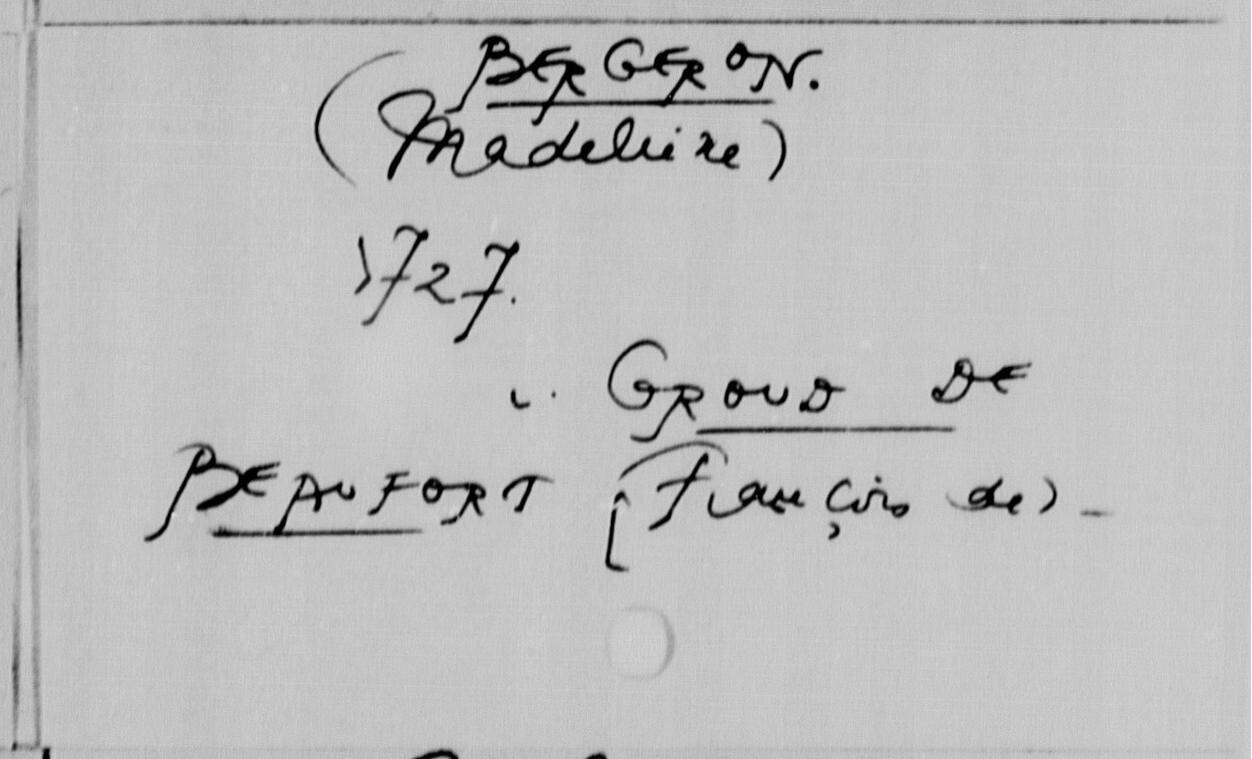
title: BERGERON (Madeleine)
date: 1727
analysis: Voir : GROUD DE BEAUFORT (François de)
